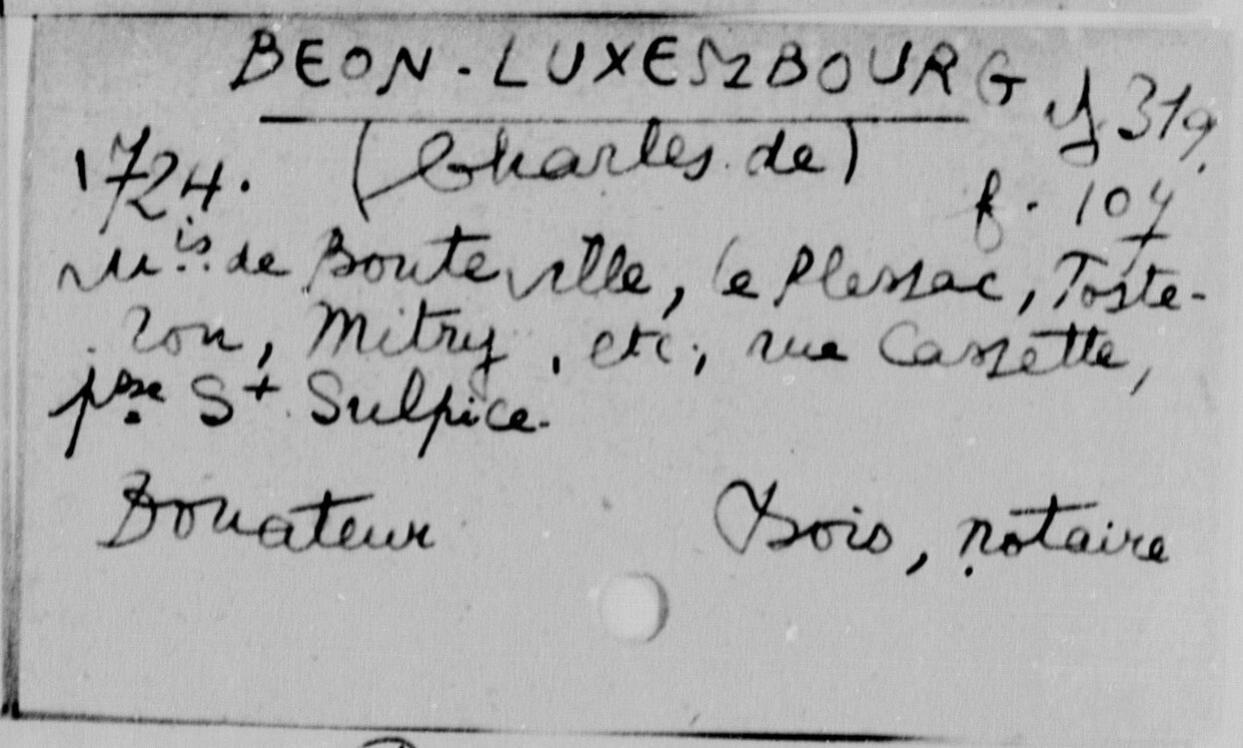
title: BEON-LUXEMBOURG (Charles-de)
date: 1724
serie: Y
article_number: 319
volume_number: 107
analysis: Marquis de Bouteville, le Plessac, Tosteron, Mitry etc., rue Cassette, paroisse Saint-Sulpice. Donateur. Bois, notaire.
